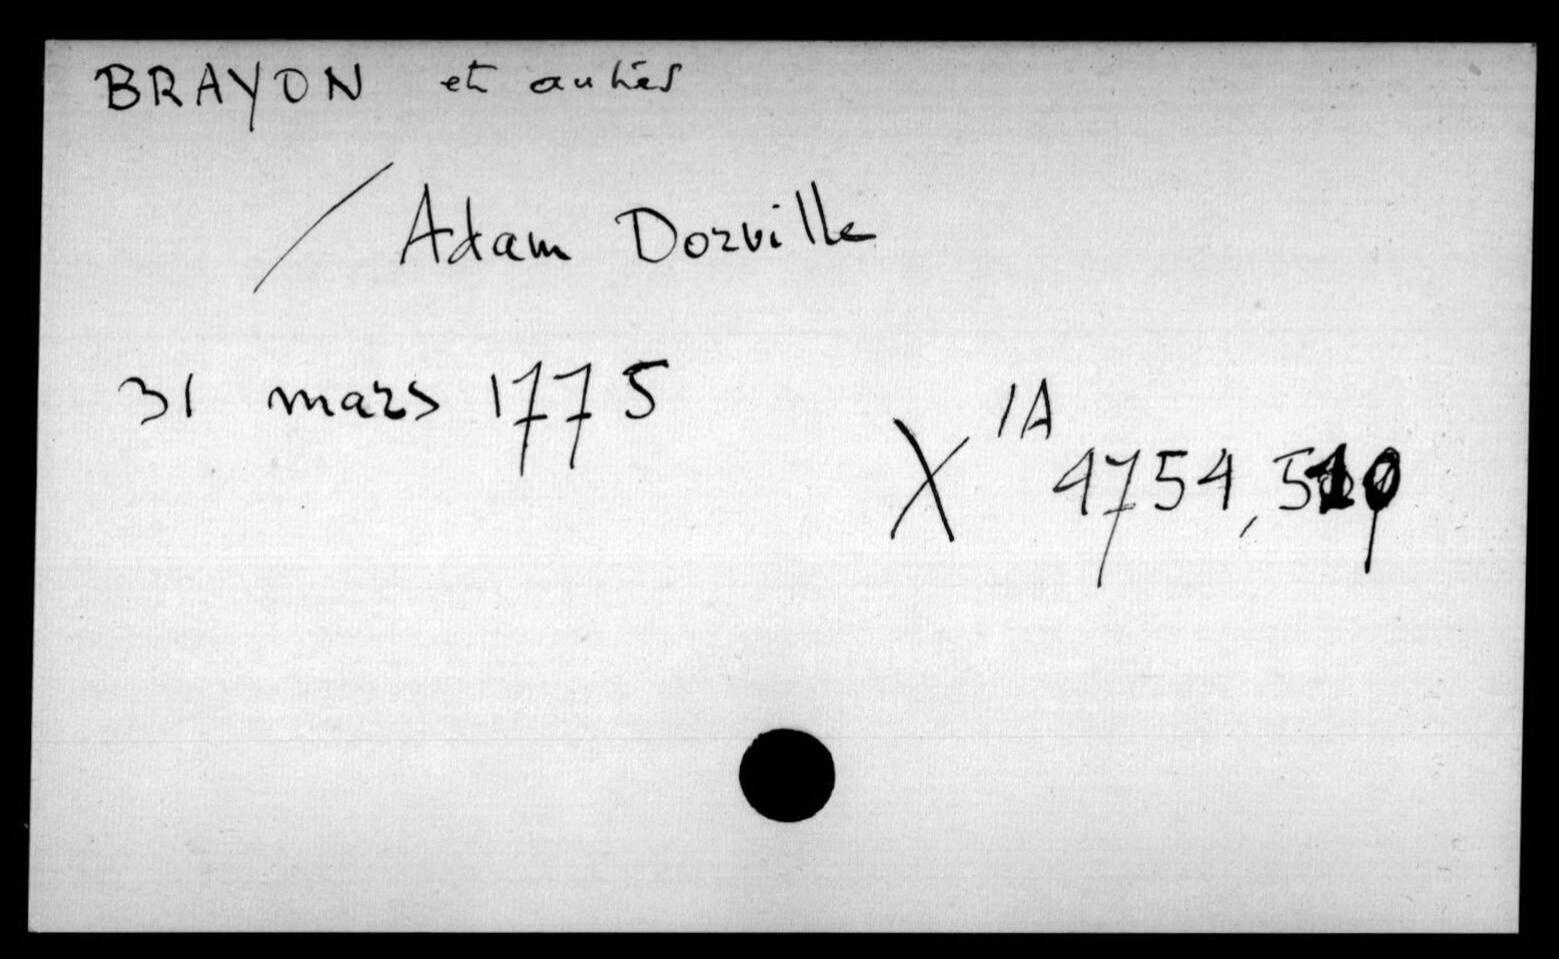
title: BRAYON et autres
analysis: Contre Adam Dorville
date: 31 mars 1775
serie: X1A
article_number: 4754
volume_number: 510
